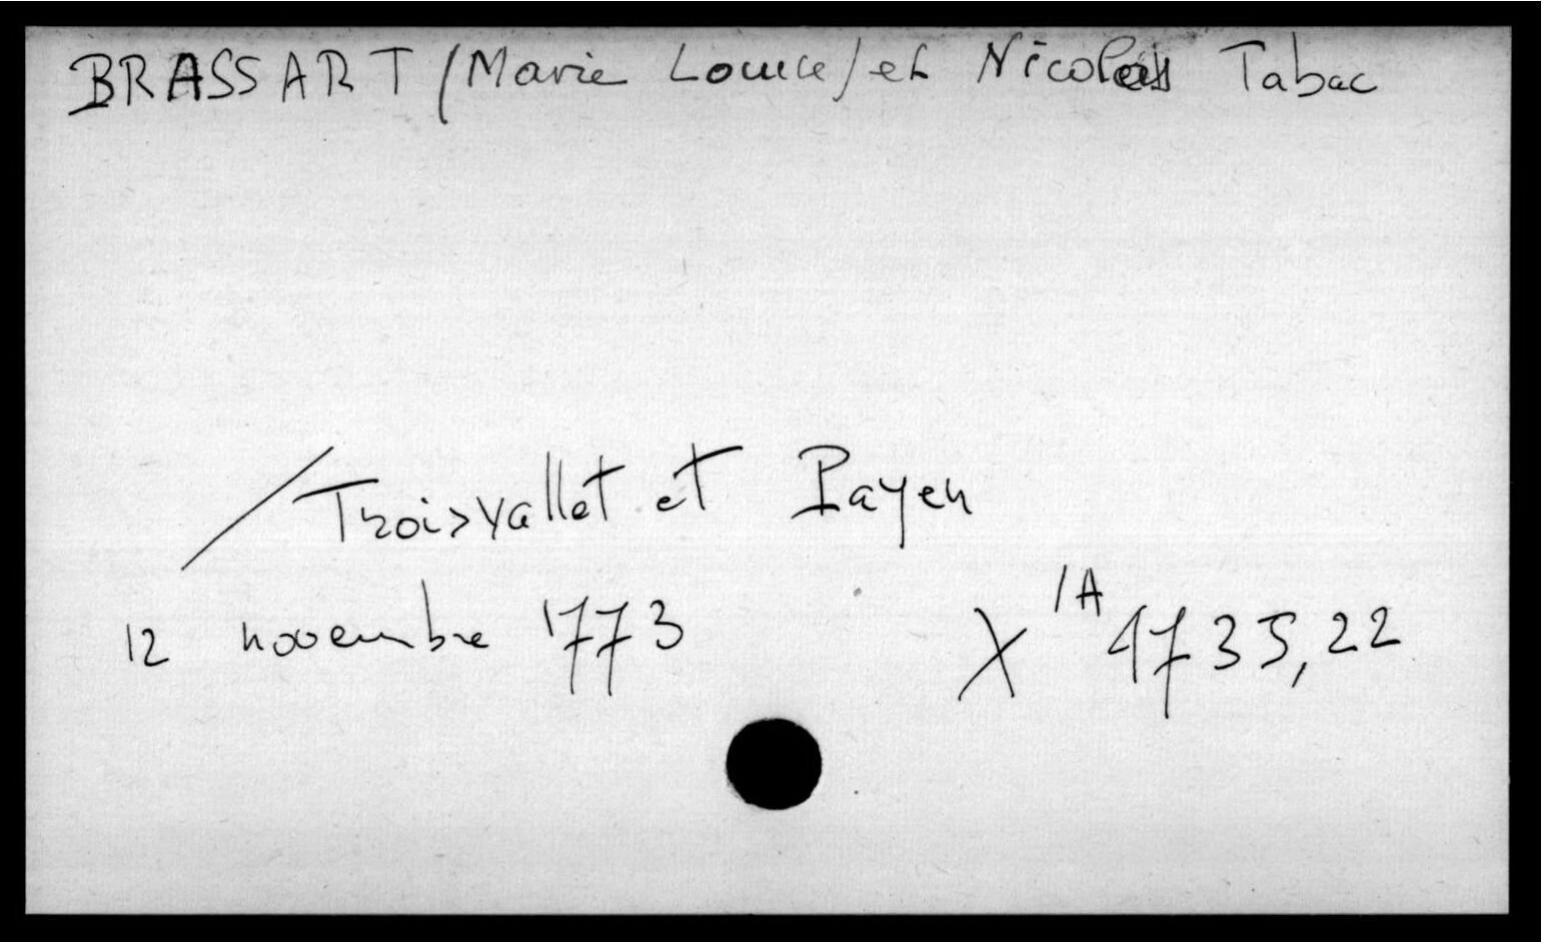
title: BRASSART (Marie Louise) et Nicolas Tabac
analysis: Contre Troisvallet et Payen
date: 12 novembre 1773
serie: X1A
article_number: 4735
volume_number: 22
